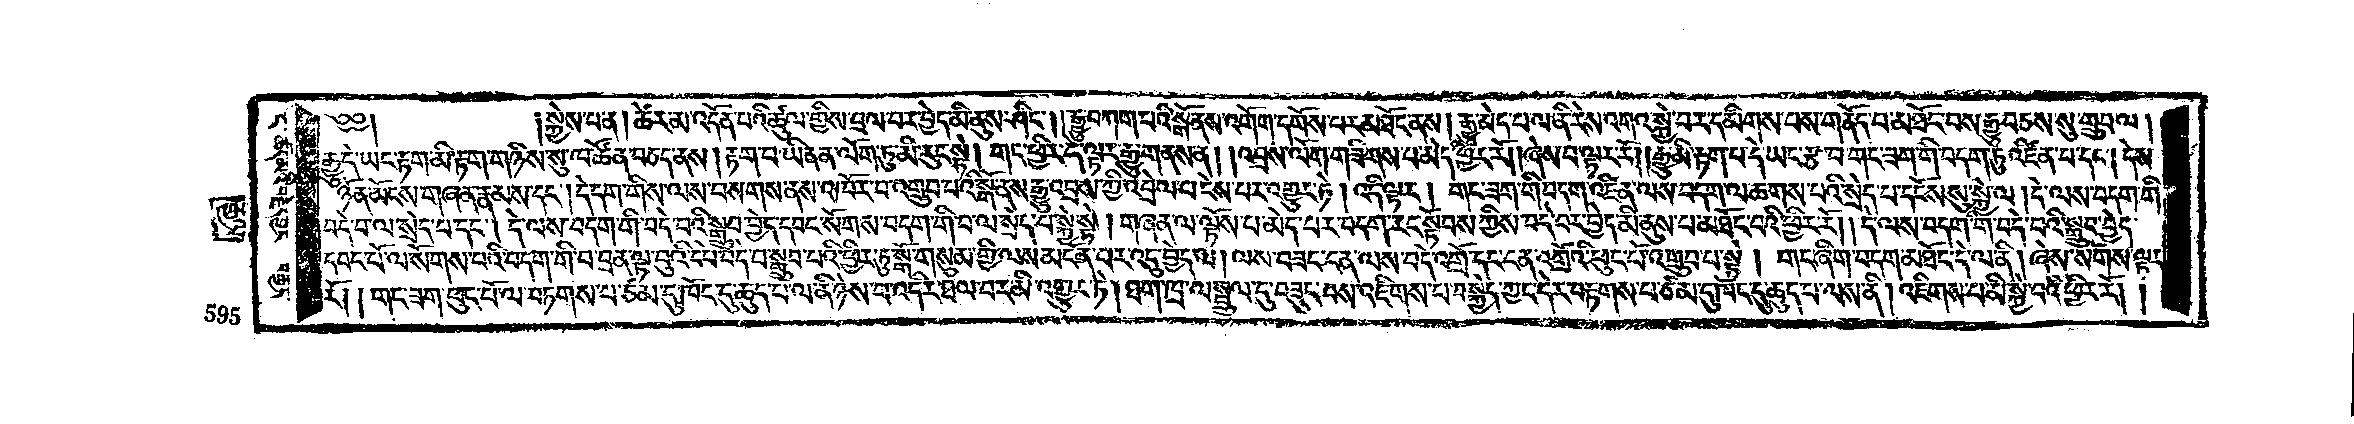༄༅། །སྐྱེད་པ་ན། ཚེད་མ་འདོན་པའི་ཚུལ་གྱིས་བྲལ་བར་བྱེད་མི་ནུས་ཤིང་། རྒྱུ་བཀག་པའི་སྒོ་ནས་འགོག་དགོས་པར་མཐོང་ནས། རྒྱུ་མེད་པ་ལ་ནི་རེས་འགའ་སྐྱེ་བར་དམིགས་པས་གནོད་པ་མཐོང་བས་རྒྱུ་བཅས་སུ་གྲུབ་ལ།
རྒྱུ་དེ་ཡང་རྟག་མི་རྟག་གཉིས་སུ་ཁ་ཚོན་བཅད་ནས། རྟག་པ་ཡིན་ན་ལོག་ཏུ་མི་རུང་སྟེ། གང་ཕྱིར་དེ་ལྟར་རྒྱུ་གནས་ན། །འབྲས་ལོག་གཟིགས་པ་མེད་ཕྱིར་རོ། །ཞེས་པ་ལྟར་རོ། །རྒྱུ་མི་རྟག་པ་དེ་ཡང་རྩ་བ་གང་ཟག་གི་བདག་ཏུ་འཛིན་པ་དང་། དེས་
ཉོན་མོངས་གཞན་རྣམས་དང་། དེ་དག་གིས་ལས་བསགས་ནས་འཁོར་བ་འགྲུབ་པའི་སྒོ་ནས་རྒྱུ་འབྲས་ཀྱི་འབྲེལ་པ་ངེས་པར་འགྱུར་ཏེ། འདི་ལྟར། གང་ཟག་གི་བདག་འཛིན་ལས་བདག་ལ་ཆགས་པའི་སྲེད་པ་དངོས་སུ་སྐྱེ་ལ། དེ་ལས་བདག་གི་
བདེ་བ་ལ་སྲེད་པ་དང་། དེ་ལས་བདག་གི་བདེ་བའི་སྒྲུབ་བྱེད་དབང་སོགས་བདག་གི་བ་ལ་སྲེད་པ་སྐྱེ་སྟེ། གཞན་ལ་ལྟོས་པ་མེད་པར་བདག་རང་སྟོབས་ཀྱིས་བདེ་བར་བྱེད་མི་ནུས་པ་མཐོང་བའི་ཕྱིར་རོ། །དེ་ལས་བདག་གི་བདེ་བའི་སྒྲུབ་བྱེད་
དབང་པོ་ལ་སོགས་པའི་བདག་གི་བ་བྲན་ལྟ་བུའི་དཔེ་བདེ་བ་སྒྲུབ་པའི་ཕྱིར་ཏུ་སྒོ་གསུམ་གྱི་ལས་མངོན་པར་འདུ་བྱེད་ལ། ལས་བཟང་ངན་ལས་བདེ་འགྲོ་དང་ངན་འགྲོའི་ཕུང་པོ་འགྲུབ་པ་སྟེ། གང་ཞིག་བདག་མཐོང་དེ་ལ་ནི། ཞེས་སོགས་ལྟར་
རོ༑ ༑གང་ཟག་ཕུང་པོ་ལ་བཏགས་པ་ཙམ་དུ་ཁོང་དུ་ཆུད་པ་ལ་ནི་ཉེས་པ་འདིར་ཐལ་བར་མི་འགྱུར་ཏེ། ཐག་ཁྲ་ལ་སྦྲུལ་དུ་བཟུང་བས་འཇིགས་པ་བསྐྱེད་ཀྱང་དེར་བརྟགས་པ་ཙམ་དུ་ཁོང་དུ་ཆུད་པ་ལས་ནི། འཇིགས་པ་མི་སྐྱེ་བའི་ཕྱིར་རོ། །